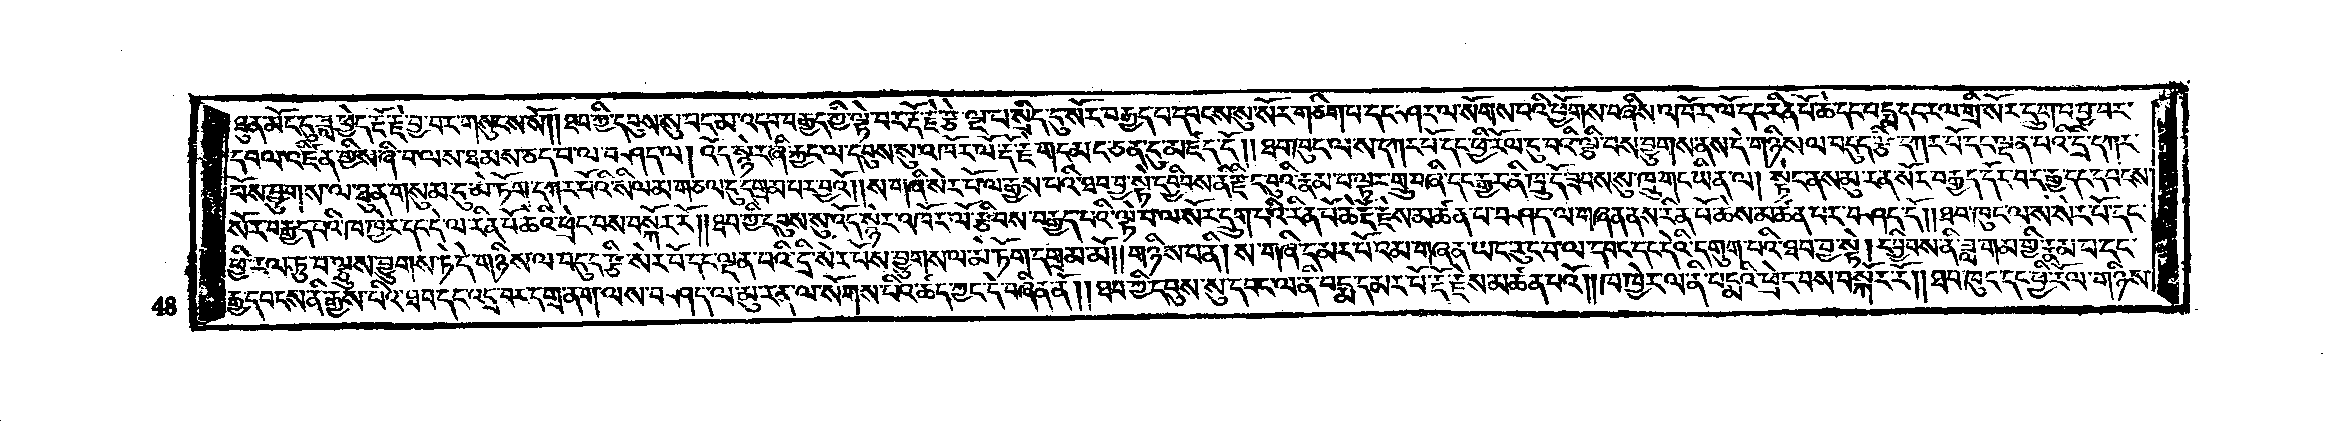ཐུན་མོང་དུ་ཟླ་ཕྱེད་རྡོ་རྗེ་བྱ་བར་གསུངས་སོ། །ཐབ་ཀྱི་དབུས་སུ་པད་མ་འདབ་བརྒྱད་ཀྱི་ལྟེ་བར་རྡོ་རྗེ་རྩེ་ལྔ་པ་སྲིད་དུ་སོར་བརྒྱད་པ་དཔངས་སུ་སོར་གཅིག་པ་དང་ཤར་ལ་སོགས་པའི་ཕྱོགས་བཞིས་འཁོར་ལོ་དང་རིན་པོ་ཆེ་དང་པདམ་དང་རལ་གྲི་སོར་དྲུག་པ་བྱ་བར་
དཔལ་འཛིན་གྱིས་ཞི་བ་ལས་ཐམས་ཅད་པ་ལ་བཤད་ལ། འོད་སྙེར་ཞི་རྐྱང་ལ་དབུས་སུ་འཁོར་ལོ་རྡོ་རྗེ་གདམ་ང་ཅན་དུ་མཛད་དོ། །ཐབ་ཁུང་ལ་ས་དཀར་པོ་དང་ཕྱི་རོལ་དུ་བའི་ལྕི་བས་བྱུགས་ནས་དེ་གཉིས་ལ་བདུད་རྩི་དཀར་པོ་དང་ལྡན་པའི་དྲི་དཀར་
པོས་བྱུགས་ལ་ཐུན་གསུམ་དུ་མེ་ཏོག་དཀར་པོའི་སིལ་མ་གཅལ་དུ་དགྲམ་པར་བྱའོ། །ས་གཞི་སེར་པོ་ལ་རྒྱས་པའི་ཐབ་བྱ་སྟེ་དབྱིབས་ནི་རྫིད་བུའི་རྣམ་པ་ལྟར་གྲུ་བཞི་དང་རྒྱར་ནི་ཁྲུ་དོ་ཟབས་སུ་ཁྲུ་གང་ཡིན་ལ། སྟེང་ནས་མུ་རན་སོར་བརྒྱད་དོར་བར་རྒྱ་དང་དཔངས་
སོར་བརྒྱད་པའི་ཁ་ཁྱེར་དང་དེ་ལ་རིན་པོ་ཆེའི་ཕྲེང་བས་བསྐོར་རོ། །ཐབ་ཀྱི་དབུས་སུ་འོད་སྙེར་འཁོར་ལོ་རྩིབས་བརྒྱད་པའི་ལྟེ་བ་ལ་སོར་དྲུག་པའི་རིན་པོ་ཆེ་རྡོ་རྗེས་མཚན་པ་བཤད་ལ་གཞན་ནས་རིན་པོ་ཆེས་མཚན་པར་བཤད་དོ། །ཐབ་ཁུང་ལ་ས་སེར་པོ་དང་
ཕྱི་རོལ་ཏུ་བ་ལྕུས་བྱུགས་ཏེ་དེ་གཉིས་ལ་བདུད་རྩི་སེར་པོ་དང་ལྡན་པའི་དྲི་སེར་པོས་བྱུགས་ལ་མེ་ཏོག་དགྲམ་མོ། །གཉིས་པ་ནི། ས་གཞི་དམར་པོའམ་གཞན་ཡང་རུང་བ་ལ་དབང་དང་དེའི་དགུག་པའི་ཐབ་བྱ་སྟེ། དབྱིབས་ནི་ཟླ་གམ་གྱི་རྣམ་པ་དང་
རྒྱ་དཔངས་ནི་རྒྱས་པའི་ཐབ་དང་འདྲ་བར་དགྲ་ནག་ལས་བཤད་ལ་མུ་རན་ལ་སོགས་པའི་ཚད་ཀྱང་དེ་བཞིན་ནོ། །ཐབ་ཀྱི་དབུས་སུ་དབང་ལ་ནི་པདམ་དམར་པོ་རྡོ་རྗེས་མཚན་པའོ། །ཁ་ཁྱེར་ལ་ནི་པདམའི་ཕྲེང་བས་བསྐོར་རོ། །ཐབ་ཁུང་དང་ཕྱི་རོལ་གཉིས་